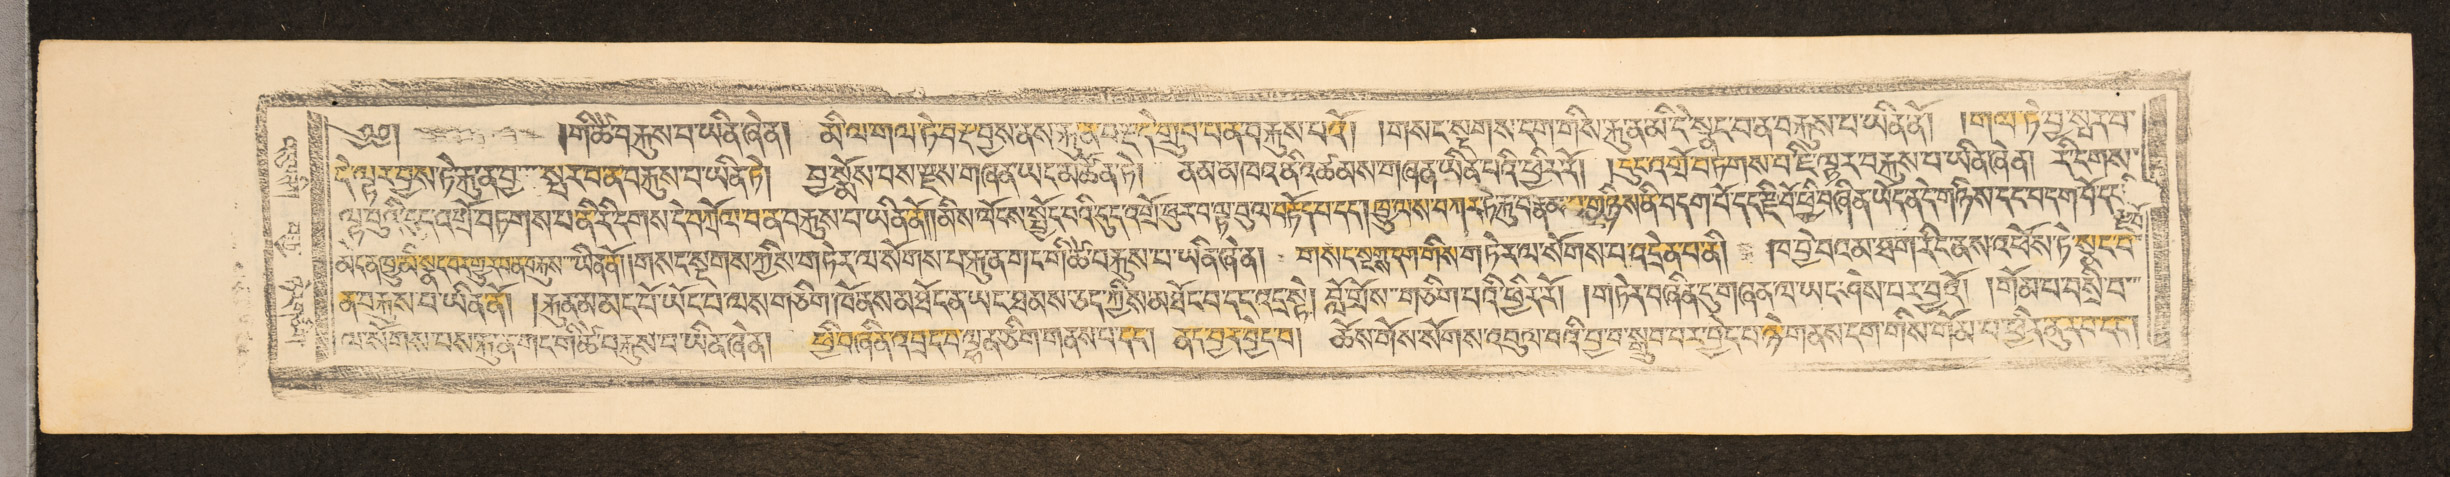༄༅། །གི་ཚེ་བརྐུས་པ་ཡིན་ཞེ་ན། མི་ལ་གལ་ཏེ་བརྔ་བྱས་ནས་རྐུ་ན་བརྡ་དེ་གྲུབ་པ་ན་བརྐུས་པའོ། །གསང་སྔགས་དག་གིས་རྐུ་ན་མི་དེ་སྣང་བ་ན་བརྐུས་པ་ཡིན་ནོ། །གལ་ཏེ་བྱ་སྤར་བ་
དེ་ལྟར་བྱས་ཏེ་རྐུ་ན་བྱས་སྤར་བ་ན་བརྐུས་པ་ཡིན་ཏེ། བྱ་སྨོས་པས་རྫས་གཞན་ཡང་མཚོན་ཏེ། ནམ་མཁའ་ནི་འཚམས་གཞན་ཡིན་པའི་ཕྱིར་རོ། །དུད་འགྲོ་བཏགས་པ་ཇི་ལྟར་བརྐུས་པ་ཡིན་ཞེ་ན། རི་དགས་
ལྟ་བུའི་དུད་འགྲོ་བཏགས་པ་ནི་རི་དགས་དེ་བཀྲོལ་བ་ན་བརྐུས་པ་ཡིན་ནོ། །མིས་ལོངས་སྤྱོད་པའི་དུད་འགྲོ་ཕུར་པ་ལྟ་བུ་ལ་བརྟོད་པ་དང་། ཁྱུ་ལས་བཀར་ཏེ་རྐུ་བ་རྣམ་པ་གཉིས་ནི་བདག་བོ་དང་རྫི་བོ་ཕྱི་བཞིན་ཡོད་ན་དེ་གཉིས་དད་བདག་པོ་དང་རྫི་པོ་
མེད་ན་བྱུ་མི་སྣང་བར་གྱུར་པ་ན་བརྐུས་ཡིན་ནོ། །གསང་སྔགས་ཀྱིས་གཏེར་ལ་སོགས་པ་རྐུ་ན་གང་གི་ཚེ་བརྐུས་པ་ཡིན་ཞེ་ན། གསང་སྔགས་དག་གིས་གཏེར་ལ་སོགས་པ་འདྲེན་པ་ནི། ཁ་བྱེ་བའམ་ཐག་རིང་ནས་འཕོས་ཏེ་སྣད་བ་
ན་བརྐུས་པ་ཡིན་ནོ། །རྐུན་མ་མང་པོ་ཡོད་པ་ལས་གཅིག་ཁོ་ནས་མཐོང་ན་ཡང་ཐམས་ཅད་ཀྱིས་མཐོང་བ་དང་འདྲ་སྟེ། བློ་གྲོས་གཅིག་པའི་ཕྱིར་རོ། །གཏེར་བཞིན་དུ་གཞན་ལ་ཡང་ཤེས་པར་བྱའོ། །གོམ་པ་བསྲིབ་
ལ་སོགས་པས་རྐུ་ན་གང་གི་ཚེ་བརྐུས་པ་ཡིན་ཞེ་ན། ཕྱི་བཞིན་འབྲད་བ་ལྷན་ཅིག་གནས་པ་དང་། ནང་བྱན་བྱེད་པ། ཆོས་གོས་སོགས་འབུལ་བའི་བྱ་བ་སྒྲུབ་པར་བྱེད་པ་ཉེ་གནས་དག་གིས་གོམ་པ་ཕྱིར་ནུར་བ་དང་།